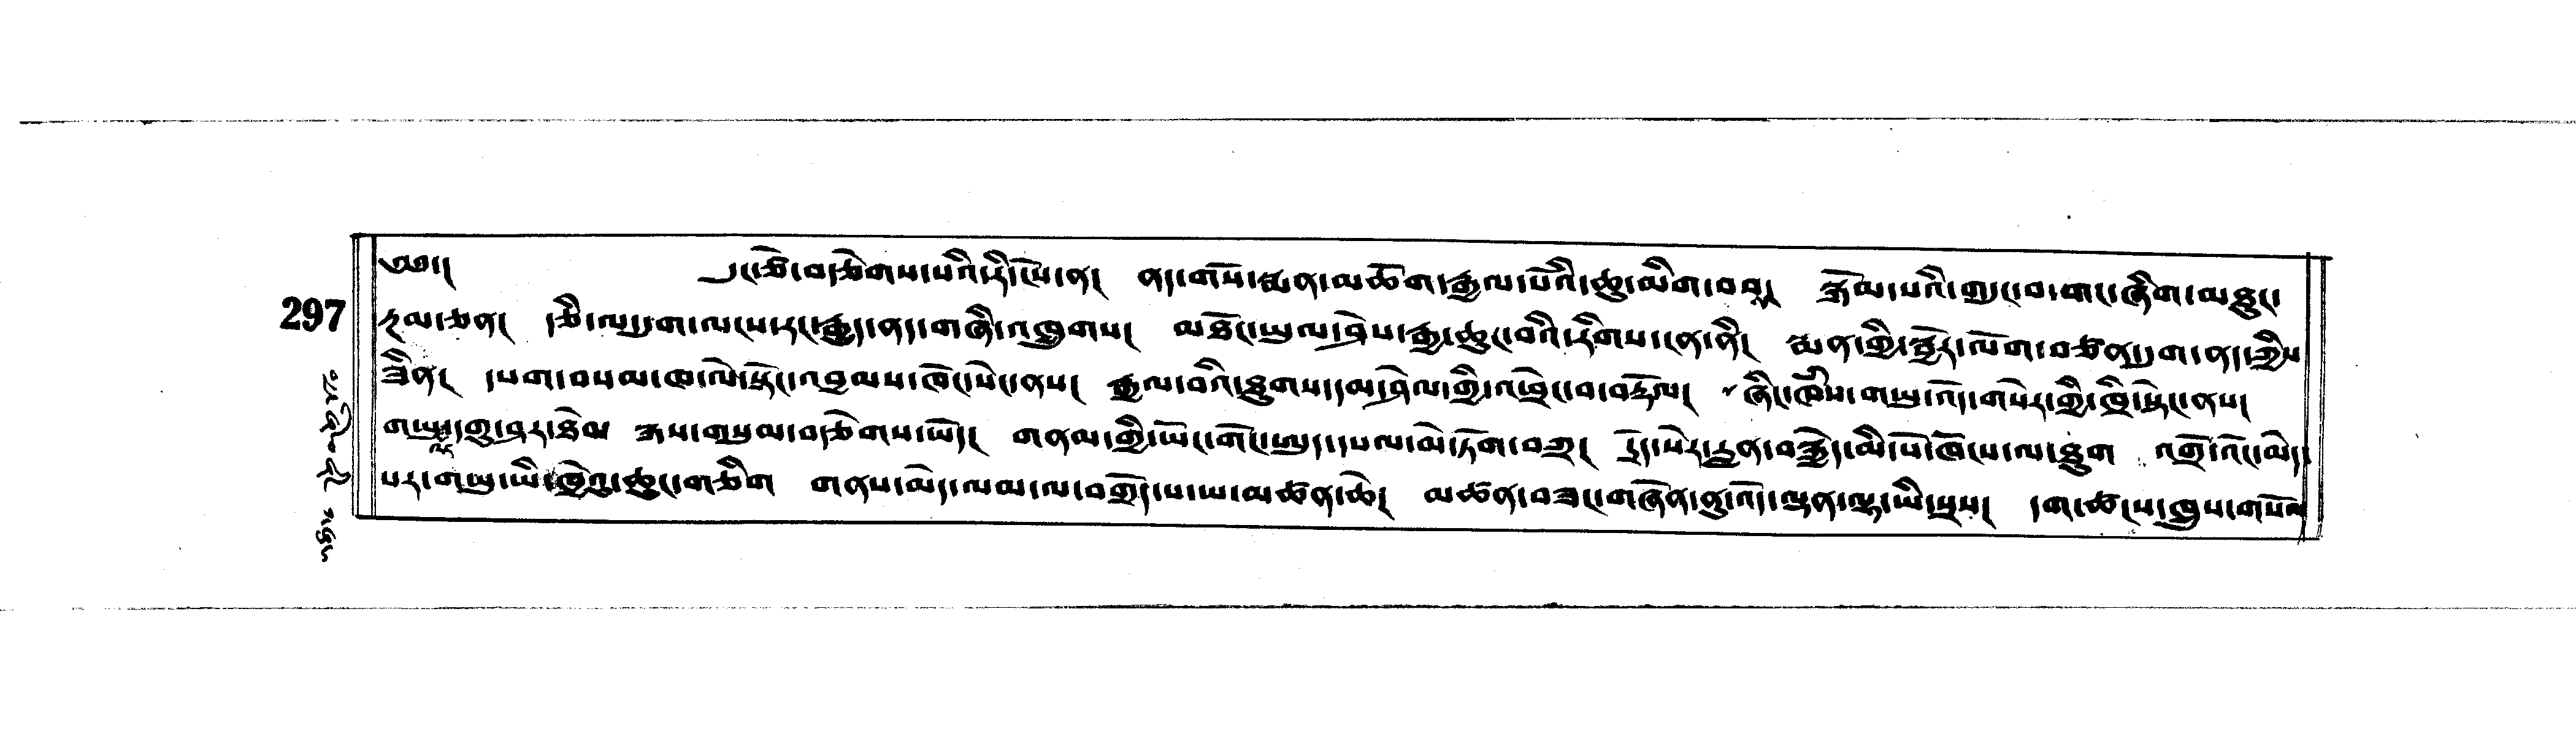དུང་ཙེ་བརྩེགས་པའི་རི་ངོས་ན། ནད་གསོ་སྨན་མཆོག་རྒྱལ་པོའི་ཆུ་མིག་བབས། སྐོམ་པའི་གདུང་བ་གང་ཞིག་འཐུང་
རྔམ་ཅན། རྩི་ལ་དུག་མང་རང་རྒྱུད་ནད་གཞི་འཁྲུག། མཐོང་ཡུལ་ཤེས་རྒྱ་ཆུང་བའི་རིགས་ངན་ནི། སྨན་གྱི་སྦྱོར་ལོག་བཙན་དུག་ནད་ཀྱིས་
ཟིན། དཔག་བསམ་ཁ་ལེ་སྟོང་འབྱམས་ཁོང་སེང་ནས། རྒྱལ་བའི་ཐུགས་དམ་ཤེལ་གྱི་ཕྲེང་བ་བརྡོལ། ༧ ཞིང་ཁམས་གཡུ་འོད་གསེར་གྱི་ཁྲི་སྟེང་ནས། 
གཡུ་འོད་དགུ་ཤར་ཐེམ་སྐས་གསུམ་བརྩེགས་ཡོད། གནམ་གྱི་ཡོང་གོང་ཨུཏྤལ་མེ་ཏོག་བཀྲ། དྲོད་སེར་རླན་བསྐྱེད་མི་ཕོ་ཁོང་ལ་ཐུག། འགྲོ་འོང་མེད་
པར་གཡུ་ཡི་ཁྱེའུ་ཆུང་གཅིག གནས་མེད་ལམ་ལ་བགྲོད་པ་ཡ་མཚན་ཆེ། མཚན་བཟང་གཞོན་ནུ་འོད་ལྡན་ལྷ་ཡི་སྲས། དག་ཚངས་ཁྲུས་གསོལ་